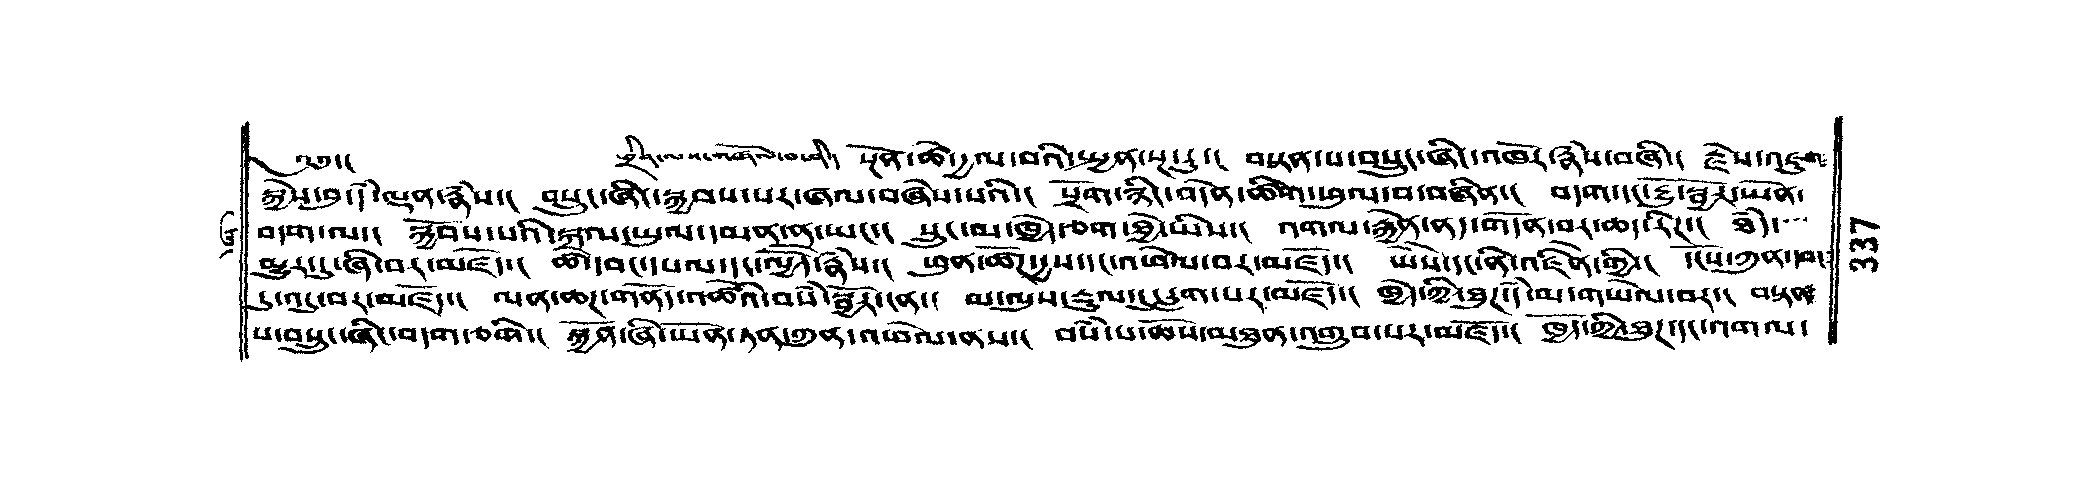ཕྲིན་ལས་བཅོལ་བ་ནི། སྔོན་ཚེ་རྒྱལ་བའི་སྤྱན་སྔ་རུ། །བསྟན་པ་བསྲུང་ཞིང་འཁོར་རྣམས་བཞི། །རྗེས་འཇུག་
སྐྱེས་བུ་དམ་ལྡན་རྣམས། །བསྲུང་ཞིང་སྐྱོབ་པར་ཞལ་བཞེས་པའི། །སྲོག་སྙིང་བདེན་ཚིག་ཕུལ་བ་བཞིན། །བདག་དང་རྒྱུ་སྦྱོར་ཡོན་
བདག་ལ། །སྐྱོབས་པའི་སྐལ་ཡུལ་དམན་ན་ཡང་། །སྲུང་མ་ཁྱེད་ཅག་ཐུགས་རྗེ་ཡིས། །འགལ་རྐྱེན་ནད་གནོད་བར་ཆད་རིགས། །ཐམས་ཅད་
མྱུར་དུ་ཞི་བར་མཛོད། །ཚེ་དབང་དཔལ་དང་ལོངས་སྤྱོད་རྣམས། །ཕུན་ཚོགས་རྒྱས་དང་འཕེལ་བར་མཛོད། །ཡེ་ཤེས་དང་ནི་འཇིག་རྟེན་གྱི། །དངོས་ཀུན་དབང་
དུ་འདུ་བར་མཛོད། །ལན་ཆགས་གནོད་འཚེའི་བསམ་སྦྱོར་ངན། །མ་ལུས་རྡུལ་དུ་རླག་པར་མཛོད། །ཁྱེད་ཀྱི་ཐུགས་དམ་མ་གཡེལ་བར། །བསྟན་
པ་བསྲུང་ཞིང་བདག་ཅག་གི།སྐྱོན་ཞི་ཡོན་ཏན་ཀུན་འཕེལ་ནས། །བསམ་པ་ཆོས་མཐུན་འགྲུབ་པར་མཛོད། །ཁྱོད་གྱི་ཐུགས་དང་འགལ་